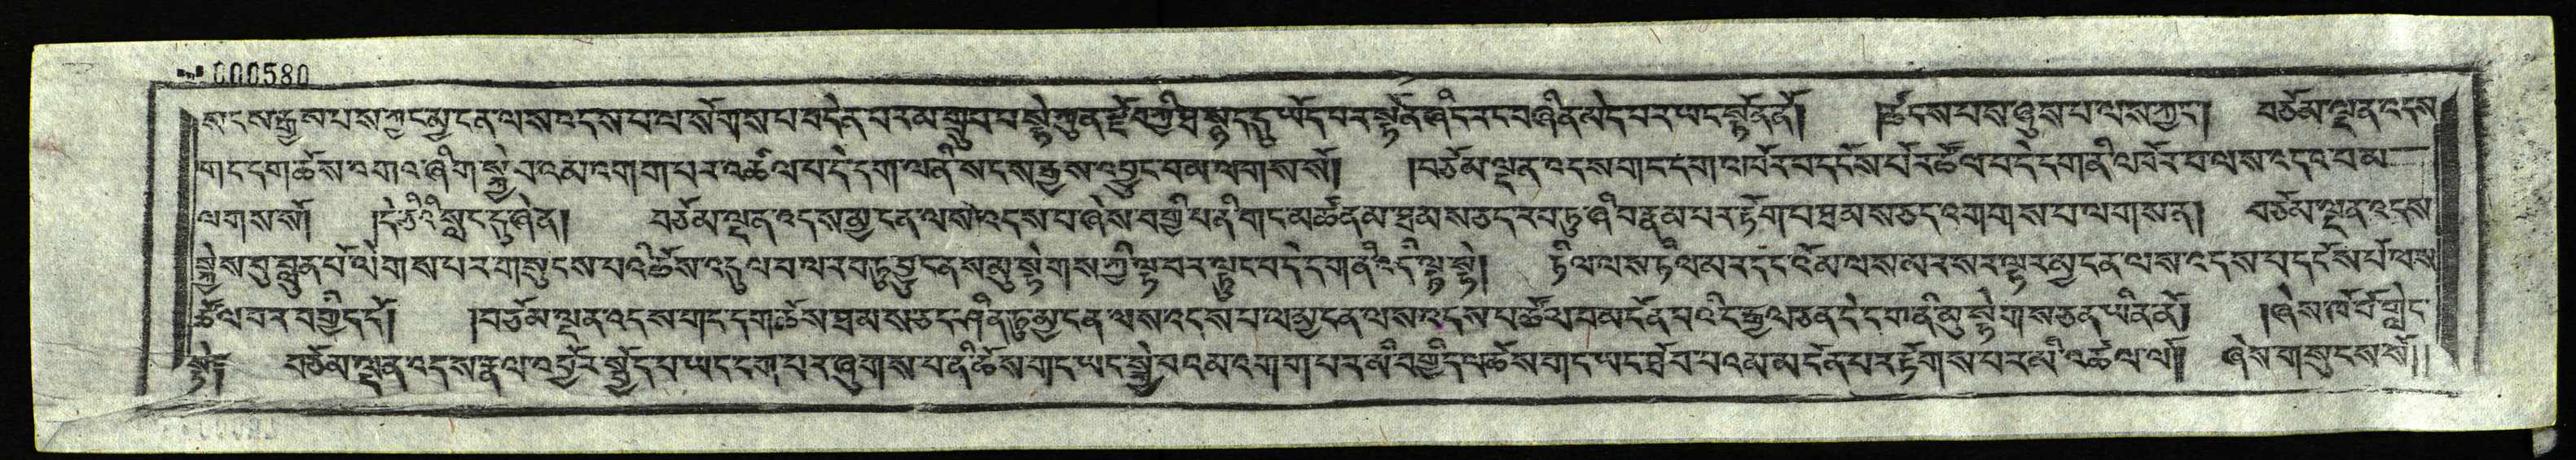སངས་རྒྱས་པས་ཀྱང་མྱ་ངན་ལས་འདས་པ་ལ་སོགས་པ་བདེན་པར་མ་གྲུབ་པ་སྟེ་ཀུན་རྫོབ་ཀྱི་ཐ་སྙད་དུ་ཡོད་པར་སྟོན་ཞིང་རང་བཞིན་མེད་པར་ཡང་སྟོན་ནོ། །ཚངས་པས་ཞུས་པ་ལས་ཀྱང་། བཅོམ་ལྡན་འདས་
གང་དག་ཆོས་འགའ་ཞིག་སྐྱེ་བའམ་འགག་པར་འཚལ་པ་དེ་དག་ལ་ནི་སངས་རྒྱས་འབྱུང་བ་མ་ལགས་སོ། །བཅོམ་ལྡན་འདས་གང་དག་འཁོར་བ་དངོས་པོར་ཚོལ་བ་དེ་དག་ནི་འཁོར་བ་ལས་འདའ་བ་མ་
ལགས་སོ། །དེ་ཅིའི་སླང་དུ་ཞེ་ན། བཅོམ་ལྡན་འདས་མྱ་ངན་ལས་འདས་པ་ཞེས་བགྱི་པ་ནི་གང་མཚན་མ་ཐམས་ཅད་རབ་ཏུ་ཞི་བ་རྣམ་པར་རྟོག་པ་ཐམས་ཅད་འགགས་པ་ལགས་ན། བཅོམ་ལྡན་འདས་
སྐྱེས་བུ་བླུན་པོ་ལེགས་པར་གསུངས་པའི་ཆོས་འདུལ་བ་ལ་རབ་ཏུ་བྱུང་ནས་མུ་སྟེགས་ཀྱི་ལྟ་བར་ལྟུང་བ་དེ་དག་ནི་འདི་ལྟ་སྟེ། ཏིལ་ལས་ཏིལ་མར་དང་འོ་མ་ལས་མར་སར་ལྟར་མྱ་ངན་ལས་འདས་པ་དངོས་པོ་ལས་
ཚོལ་བར་བགྱིད་དོ། །བཅོམ་ལྡན་འདས་གང་དག་ཆོས་ཐམས་ཅད་ཤིན་ཏུ་མྱ་ངན་ལས་འདས་པ་ལ་མྱ་ངན་ལས་འདས་པ་ཚོལ་བ་མངོན་པའི་ང་རྒྱལ་ཅན་དེ་དག་ནི་མུ་སྟེགས་ཅན་ཡིན་ནོ། །ཞེས་ཁོ་བོ་གླེང་
སྟེ༑ བཅོམ་ལྡན་འདས་རྣལ་འབྱོར་སྤྱོད་པ་ཡང་དག་པར་ཞུགས་པ་ནི་ཆོས་གང་ཡང་སྐྱེ་བའམ་འགག་པར་མི་བགྱིད་ལ་ཆོས་གང་ཡང་ཐོབ་པའམ་མངོན་པར་རྟོགས་པར་མི་འཚལ་ལོ། ཞེས་གསུངས་སོ། །